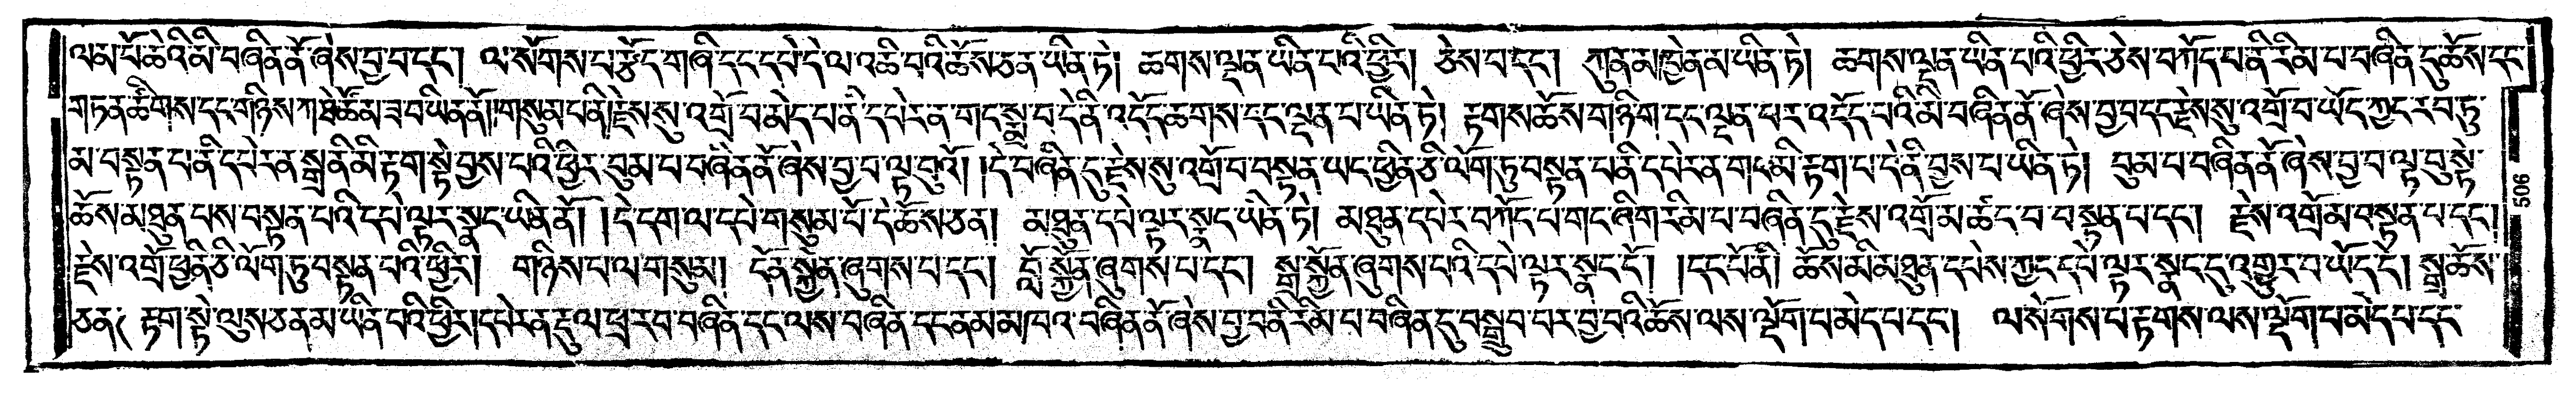ལམ་པོ་ཆེའི་མི་བཞིན་ནོ་ཞེས་བྱ་བ་དང་། ལ་སོགས་པ་རྩོད་གཞི་དང་དཔེ་དེ་ལ་འཆི་བའི་ཆོས་ཅན་ཡིན་ཏེ། ཆགས་ལྡན་ཡིན་པའི་ཕྱིར། ཅེས་བ་དང་། ཀུན་མཁྱེན་མ་ཡིན་ཏེ། ཆགས་ལྡན་ཡིན་པའི་ཕྱིར་ཅེས་བཀོད་པ་ནི་རིམ་པ་བཞིན་དུ་ཆོས་དང་
གཏན་ཚིགས་དང་གཉིས་ཀ་ཐེ་ཚོམ་ཟ་བ་ཡིན་ནོ། །གསུམ་པ་ནི། རྗེས་སུ་འགྲོ་བ་མེད་པ་ནི་དཔེར་ན་གང་སྨྲ་བ་དེ་ནི་འདོད་ཆགས་དང་ལྡན་པ་ཡིན་ཏེ། རྟགས་ཆོས་གཉི་ག་དང་ལྡན་པར་འདོད་པའི་མི་བཞིན་ནོ་ཞེས་བྱ་བ་དང་རྗེས་སུ་འགྲོ་བ་ཡོད་ཀྱང་རབ་ཏུ་
མ་བསྟན་པ་ནི་དཔེར་ན་སྒྲ་ནི་མི་རྟག་སྟེ་བྱས་པའི་ཕྱིར་བུམ་པ་བཞིན་ནོ་ཞེས་བྱ་བ་ལྟ་བུའོ། །དེ་བཞིན་དུ་རྗེས་སུ་འགྲོ་བ་བསྟན་ཡང་ཕྱིན་ཅི་ལོག་ཏུ་བསྟན་པ་ནི་དཔེར་ན་གང་མི་རྟག་པ་དེ་ནི་བྱས་པ་ཡིན་ཏེ། བུམ་པ་བཞིན་ནོ་ཞེས་བྱ་བ་ལྟ་བུ་སྟེ་
ཆོས་མཐུན་པས་བསྟན་པའི་དཔེ་ལྟར་སྣང་ཡིན་ནོ། །དེ་དག་ལ་དཔེ་གསུམ་པོ་དེ་ཆོས་ཅན། མཐུན་དཔེ་ལྟར་སྣང་ཡིན་ཏེ། མཐུན་དཔེར་བཀོད་པ་གང་ཞིག་རིམ་པ་བཞིན་དུ་རྗེས་འགྲོ་མ་ཚང་བ་བསྟན་པ་དང་། རྗེས་འགྲོ་མ་བསྟན་པ་དང་།
རྗེས་འགྲོ་ཕྱིན་ཅི་ལོག་ཏུ་བསྟན་པའི་ཕྱིར། གཉིས་པ་ལ་གསུམ། དོན་སྐྱོན་ཞུགས་པ་དང་། བློ་སྐྱོན་ཞུགས་པ་དང་། སྒྲ་སྐྱོན་ཞུགས་པའི་དཔེ་ལྟར་སྣང་ངོ། །དང་པོ་ནི། ཆོས་མི་མཐུན་དཔེས་ཀྱང་དཔེ་ལྟར་སྣང་དུ་འགྱུར་བ་ཡོད་དེ། སྒྲ་ཆོས་
ཅན༑ རྟག་སྟེ་ལུས་ཅན་མ་ཡིན་པའི་ཕྱིར། དཔེར་ན་རྡུལ་ཕྲ་རབ་བཞིན་དང་ལས་བཞིན་དང་ནམ་མཁའ་བཞིན་ནོ་ཞེས་བྱ་བ་ནི་རིམ་པ་བཞིན་དུ་བསྒྲུབ་པར་བྱ་བའི་ཆོས་ལས་ལྡོག་པ་མེད་པ་དང་། ལ་སོགས་པ་རྟགས་ལས་ལྡོག་པ་མེད་པ་དང་